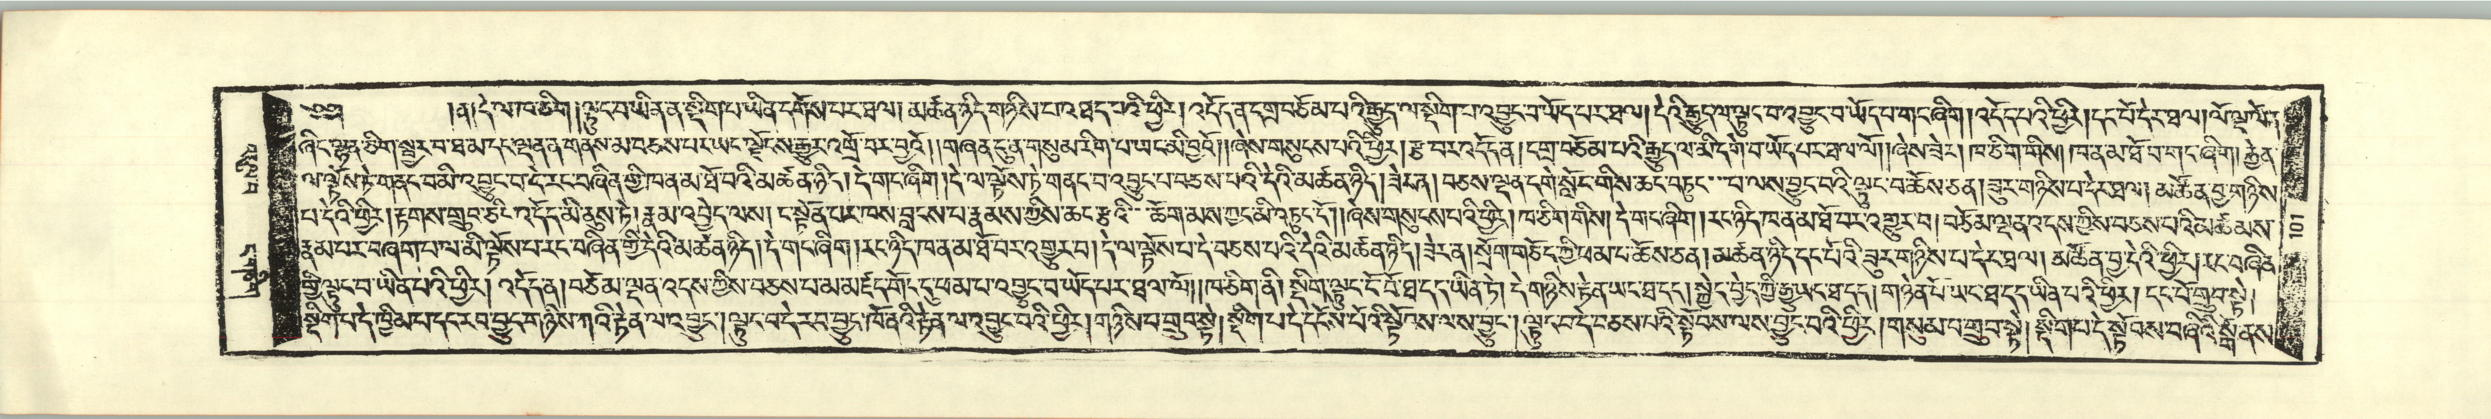༄༅། །ན། དེ་ལ་ཁ་ཅིག །ལྟུང་བ་ཡིན་ན་སྡིག་པ་ཡིན་དགོས་པར་ཐལ། མཚན་ཉིད་གཉིས་པ་འཐད་པའི་ཕྱིར། འདོད་ན་དགྲ་བཅོམ་པའི་རྒྱུད་ལ་སྡིག་པ་འབྱུང་བ་ཡོད་པར་ཐལ། དེའི་རྒྱུད་ལ་ལྟུང་བ་འབྱུང་བ་ཡོད་པ་གང་ཞིག །འདོད་པའི་ཕྱིར། དང་པོ་དེར་ཐལ། ལོ་ལྔ་ལོན་
ཞིང་ལྷན་ཅིག་སྦྱར་བ་ཐ་མ་དང་ལྡན་ན་གནས་མ་བཅས་པར་ཡང་ལྗོངས་རྒྱུར་འགྲོ་བར་བྱའོ། །གཞན་དུ་ན་གསུམ་རིག་པ་ཡང་མི་བྱའོ། །ཞེས་གསུངས་པའི་ཕྱིར། རྩ་བར་འདོད་ན། དགྲ་བཅོམ་པའི་རྒྱུད་ལ་མི་དགེ་བ་ཡོད་པར་ཐལ་ལོ། །ཞེས་ཟེར། ཁ་ཅིག་གིས། ཁ་ན་མ་ཐོ་བ་གང་ཞིག །རྐྱེན་
ལ་ལྟོས་ཏེ་གནང་བ་མི་འབྱུང་བ་དེ་རང་བཞིན་གྱི་ཁ་ན་མ་ཐོ་བའི་མཚན་ཉིད། དེ་གང་ཞིག །དེ་ལ་ལྟོས་ཏེ་གནང་བ་འབྱུང་པ་བཅས་པའི་དེའི་མཚན་ཉིད། ཟེར་ན། བཅས་ལྡན་དགེ་སློང་གིས་ཆང་བཏུང་བ་ལས་བྱུང་བའི་ལྟུང་བ་ཆོས་ཅན། ཟུར་གཉིས་པ་དེར་ཐལ། མཚོན་བྱ་གཉིས་
པ་དེའི་ཕྱིར། རྟགས་གྲུབ་ཅིང་འདོད་མི་ནུས་ཏེ། རྣམ་འབྱེད་ལས། ང་སྟོན་པར་ཁས་བླངས་པ་རྣམས་ཀྱིས་ཆང་རྩའི་ཆོག་མས་ཀྱང་མི་འྟུང་ངོ། །ཞེས་གསུངས་པའི་ཕྱིར། ཁ་ཅིག་གིས། དེ་གང་ཞིག །རང་ཉིད་ཁ་ན་མ་ཐོ་བར་འགྱུར་བ། བཅོམ་ལྡན་འདས་ཀྱིས་བཅས་པའི་མཚམས་
རྣམ་པར་བཞག་པ་ལ་མི་ལྟོས་པ་རང་བཞིན་གྱི་དེའི་མཚན་ཉིད། དེ་གང་ཞིག །རང་ཉིད་ཁ་ན་མ་ཐོ་བར་འགྱུར་བ། དེ་ལ་ལྟོས་པ་དེ་བཅས་པའི་དེའི་མཚན་ཉིད། ཟེར་ན། སྲོག་གཅོད་ཀྱི་ཕམ་པ་ཆོས་ཅན། མཚན་ཉིད་དང་པོའི་ཟུར་གཉིས་པ་དེར་ཐལ། མཚོན་བྱ་དེའི་ཕྱིར། རང་བཞིན་
གྱི་ལྟུང་བ་ཡིན་པའི་ཕྱིར། འདོད་ན། བཅོམ་ལྡན་འདས་ཀྱིས་བཅས་པ་མ་མཛད་གོང་དུ་ཕམ་པ་འབྱུང་བ་ཡོད་པར་ཐལ་ལོ། །ཁ་ཅིག་ནི། སྡིག་ལྟུང་ངོ་བོ་ཐ་དད་ཡིན་ཏེ། དེ་གཉིས་རྟེན་ཡང་ཐ་དང་། སྐྱེད་བྱེད་ཀྱི་རྒྱུ་ཡང་ཐ་དད། གཉེན་པོ་ཡང་ཐ་དད་ཡིན་པའི་ཕྱིར། དང་པོ་གྲུབ་སྟེ།
སྡིག་པ་དེ་ཁྱིམ་པ་དང་རབ་བྱུང་གཉིས་ཀའི་རྟེན་ལ་འབྱུང་། ལྟུང་བ་དེ་རབ་བྱུང་ཁོ་ནའི་རྟེན་ལ་འབྱུང་བའི་ཕྱིར། གཉིས་པ་གྲུབ་སྟེ། སྡིག་པ་དེ་དངོས་པོའི་སྟོབས་ལས་བྱུང་། ལྟུང་བ་དེ་བཅས་པའི་སྟོབས་ལས་བྱུང་བའི་ཕྱིར། གསུམ་པ་གྲུབ་སྟེ། སྡིག་པ་དེ་སྟོབས་བཞིའི་སྒོ་ནས་